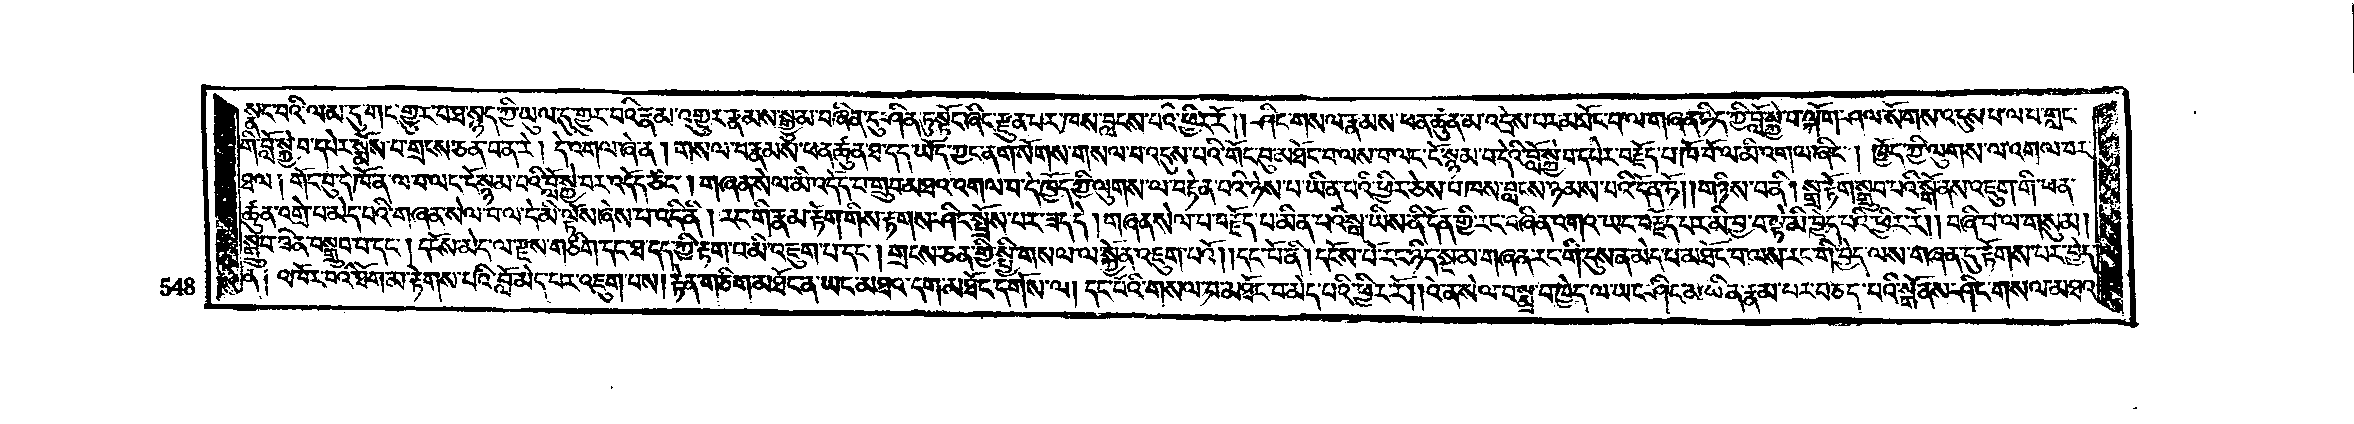སྣང་བའི་ལམ་དུ་གང་གྱུར་པ་ཐ་སྙད་ཀྱི་ཡུལ་དུ་གྱུར་པའི་རྣམ་འགྱུར་རྣམས་སྐྱུ་མ་བཞིན་དུ་ཤིན་ཏུ་སྟོང་ཞིང་རྫུན་པར་ཁས་བླངས་པའི་ཕྱིར་རོ། །ཤིང་གསལ་རྣམས་ཕན་ཚུན་མ་འདྲེས་པར་མཐོང་བ་ལ་གཞན་ཉིད་ཀྱི་བློ་སྐྱེ་བ་ལྐོག་ཤ་ལ་སོགས་འདུས་པ་ལ་བ་གླང་
གི་བློ་སྐྱེ་བ་དཔེར་སྨོས་པ་གྲངས་ཅན་པ་ན་རེ། དེ་འགལ་ཞེ་ན། གསལ་བ་རྣམས་ཕན་ཚུན་ཐ་དད་ཡོད་ཀྱང་ནག་སོགས་གསལ་བ་འདུས་པའི་གོང་བུ་མཐོང་བ་ལས་བ་ལང་ངོ་སྙམ་པ་དེའི་བློ་སྐྱེ་བ་དཔེར་བརྗོད་པ་ཁོ་བོ་ལ་མི་འགལ་ཞིང་། ཁྱོད་ཀྱི་ལུགས་ལ་འགལ་བར་
ཐལ༑ གོང་བུ་དེ་ཁོ་ན་ལ་བ་ལང་ངོ་སྙམ་པའི་བློ་སྐྱེ་བར་འདོད་ཅིང་། གཞན་སེལ་མི་འདོད་པ་གྲུབ་མཐའ་འགལ་བ་དེ་ཁྱོད་ཀྱི་ལུགས་ལ་བརྟེན་པའི་ཉེས་པ་ཡིན་པའི་ཕྱིར་ཅེས་པ་ཁས་བླངས་ཉམས་པའི་དོན་ཏོ། །གཉིས་པ་ནི། སྒྲ་རྟོག་སྒྲུབ་པའི་སྒོ་ནས་འཇུག་གི་ཕན་
ཚུན་འགྲེ་པ་མེད་པའི་གཞན་སེལ་བ་ལ་དེ་མི་ལྟོས་ཞེས་པ་འདི་ནི། རང་གི་རྣམ་རྟོག་གིས་རྟགས་ཤིང་སྤྲོས་པར་ཟད་དེ། གཞན་སེལ་བ་བརྗོད་པ་མིན་པའི་སྒྲ་ཡིས་ནི་དོན་གྱི་རང་བཞིན་འགའ་ཡང་བརྗོད་པར་མི་བྱ་བ་སྟེ་མི་བྱེད་པའི་ཕྱིར་རོ། །བཞི་པ་ལ་གསུམ།
སྒྲུབ་ཟིན་བསྒྲུབ་པ་དང་། དངོས་མེད་ལ་རྫས་གཅིག་དང་ཐ་དད་ཀྱི་རྟག་པ་མི་འཇུག་པ་དང་། གྲངས་ཅན་གྱི་སྤྱི་གསལ་ལ་སྐྱོན་འཇུག་པའོ། །དང་པོ་ནི། དངོས་པོ་ནི། རང་ཉིད་སྔ་མ་གཞན་རང་གི་དུས་ན་མེད་པ་མཐོང་བ་ལས་རང་གི་བྱེད་ལས་གཞན་དུ་རྟོག་སྤར་བྱེད་
ན༑ འཁོར་བའི་ཐོག་མ་རྟོགས་པའི་བློ་མེད་པར་འཇུག་པས། རྟེན་གཅིག་མཐོང་ན་ཡང་མཐའ་དག་མཐོང་དགོས་ལ། དང་པོའི་གསལ་བ་མཐོང་བ་མེད་པའི་ཕྱིར་རོ། །འོ་ན་སེལ་བ་སྨྲ་བ་ཁྱེད་ལ་ཡང་ཤིང་མ་ཡིན་རྣམ་པར་བཅད་པའི་སྒོ་ནས་ཤིང་གསལ་མཐའ་